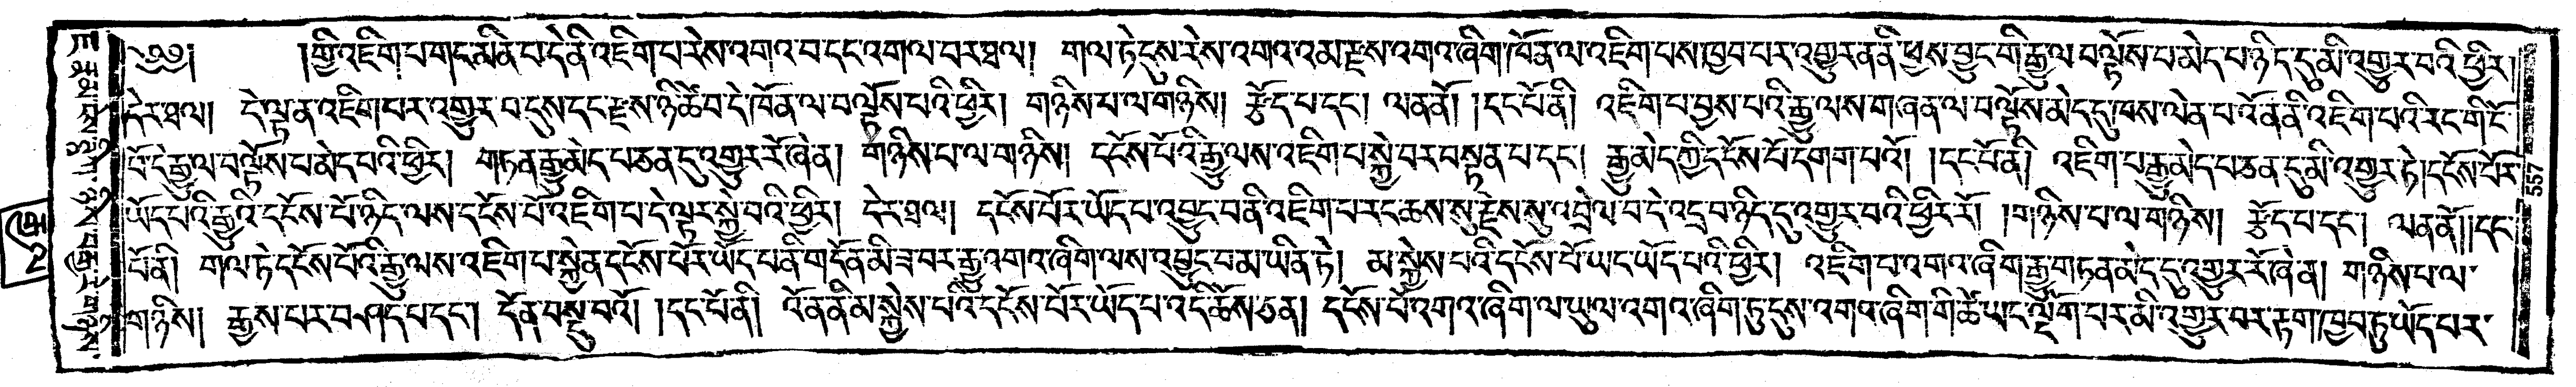༄༅། །གྱི་འཇིག་པ་གང་མིན་པ་དེ་ནི་འཇིག་པ་རེས་འགའ་བ་དང་འགལ་བར་ཐལ། གལ་ཏེ་དུས་རེས་འགའ་འམ་རྫས་འགའ་ཞིག་ཁོ་ན་ལ་འཇིག་པས་ཁྱབ་པར་འགྱུར་ན་ནི་ཕྱས་བྱུང་གི་རྒྱུ་ལ་བལྟོས་པ་མེད་པ་ཉིད་དུ་མི་འགྱུར་བའི་ཕྱིར།
དེར་ཐལ། དེ་ལྟ་ན་འཇིག་པར་འགྱུར་བ་དུས་དང་རྫས་ཉི་ཚེ་བ་དེ་ཁོ་ན་ལ་བལྟོས་པའི་ཕྱིར། གཉིས་པ་ལ་གཉིས། རྩོད་པ་དང་། ལན་ནོ། །དང་པོ་ནི། འཇིག་པ་བྱས་པའི་རྒྱུ་ལས་གཞན་ལ་བལྟོས་མེད་དུ་ཁས་ལེན་པ་འོ་ན་ནི་འཇིག་པའི་རང་གི་ངོ་
བོ་དེ་རྒྱུ་ལ་བལྟོས་པ་མེད་པའི་ཕྱིར། གཏན་རྒྱུ་མེད་པ་ཅན་དུ་འགྱུར་རོ་ཞེ་ན། གཉིས་པ་ལ་གཉིས། དངོས་པོའི་རྒྱུ་ལས་འཇིག་པ་སྐྱེ་བར་བསྟན་པ་དང་། རྒྱུ་མེད་ཀྱི་དངོས་པོ་དགག་པའོ། །དང་པོ་ནི། འཇིག་པ་རྒྱུ་མེད་པ་ཅན་དུ་མི་འགྱུར་ཏེ། དངོས་པོར་
ཡོད་པའི་རྒྱུའི་དངོས་པོ་ཉིད་ལས་དངོས་པོ་འཇིག་པ་དེ་ལྟར་སྐྱེ་བའི་ཕྱིར། དེར་ཐལ། དངོས་པོར་ཡོད་པ་འབྱུང་བ་ནི་འཇིག་པ་རང་ཆས་སུ་རྗེས་སུ་འབྲེལ་བ་དེ་འདྲ་བ་ཉིད་དུ་འགྱུར་བའི་ཕྱིར་རོ། །གཉིས་པ་ལ་གཉིས། རྩོད་པ་དང་། ལན་ནོ། །དང་
པོ་ནི། གལ་ཏེ་དངོས་པོའི་རྒྱུ་ལས་འཇིག་པ་སྐྱེ་ན་དངོས་པོར་ཡོད་པ་ནི་གདོན་མི་ཟ་བར་རྒྱུ་འགའ་ཞིག་ལས་འབྱུང་བ་མ་ཡིན་ཏེ། མ་སྐྱེས་པའི་དངོས་པོ་ཡང་ཡོད་པའི་ཕྱིར། འཇིག་པ་འགའ་ཞིག་རྒྱུ་གཏན་མེད་དུ་འགྱུར་རོ་ཞེ་ན། གཉིས་པ་ལ་
གཉིས། རྒྱས་པར་བཤད་པ་དང་། དོན་བསྡུ་བའོ། །དང་པོ་ནི། འོ་ན་ནི་མ་སྐྱེས་པའི་དངོས་པོར་ཡོད་པ་འདི་ཆོས་ཅན། དངོས་པོ་འགའ་ཞིག་ལ་ཡུལ་འགའ་ཞིག་ཏུ་དུས་འགའ་ཞིག་གི་ཚེ་ཡང་ལྡོག་པར་མི་འགྱུར་བར་རྟག་ཁྱབ་ཏུ་ཡོད་པར་